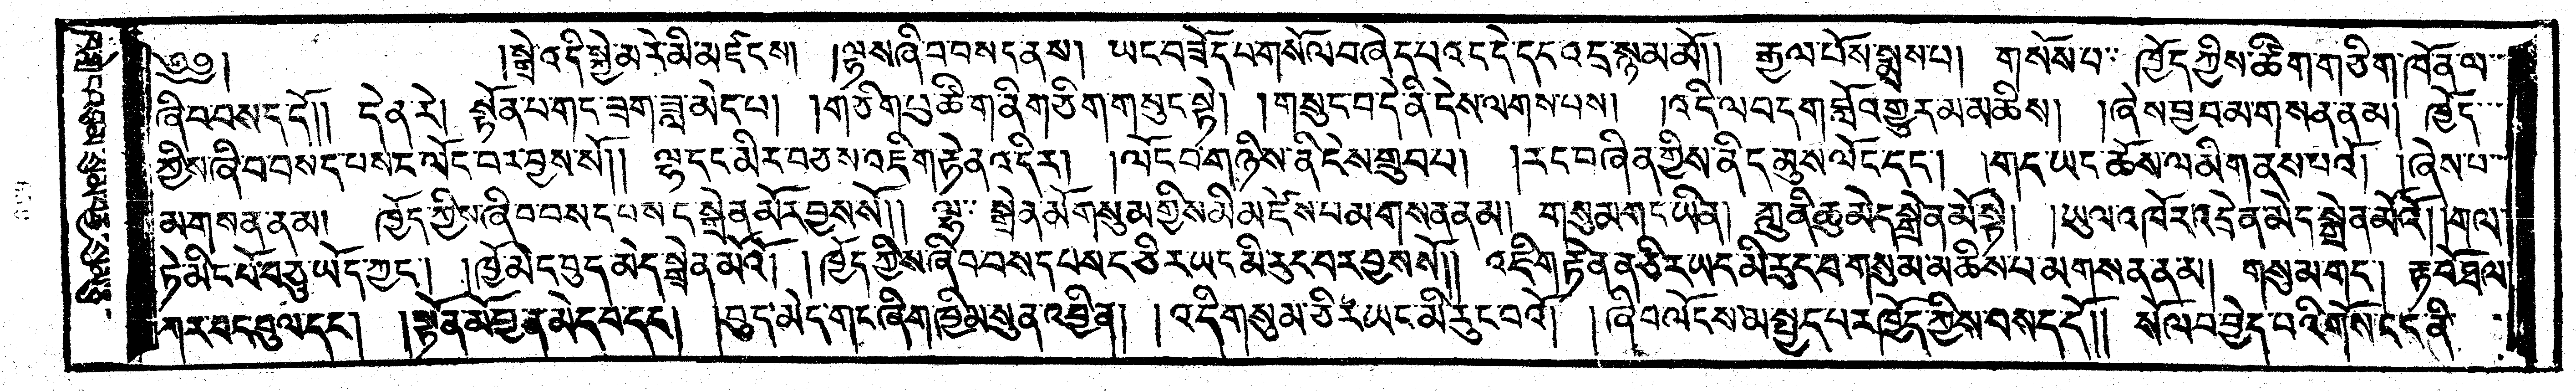༄༅། །སྒྲེ་འདི་སྐྱེ་མ་རེ་མི་མཛངས། །ལྷས་ཞི་བ་བསད་ནས། ཡང་བཟོད་པ་གསོལ་བཞེད་པའང་དེ་དང་འདྲ་སྙམ་མོ།། རྒྱལ་པོས་སྨྲས་པ། གསོས་པ༑ ཁྱོད་ཀྱིས་ཚིག་གཅིག་ཁོ་ན་ལ་
ཞི་བ་བསད་དོ།། དེ་ན་རེ། སྟོན་པ་གང་ཟག་ཟླ་མེད་པ། །གཅིག་པུ་ཚིག་ནི་གཅིག་གསུང་སྟེ། །གསུང་བ་དེ་ནི་དེས་ལགས་པས། །འདི་ལ་བདག་བློ་འགྱུར་མ་མཆིས། །ཞེས་བྱ་བ་མ་གསན་ནམ། ཁྱོད་
ཀྱིས་ཞི་བ་བསད་པས་ང་ལོང་བར་བྱས་སོ། །ལྷ་དང་མིར་བཅས་འཇིག་རྟེན་འདིར། །ལོང་བ་གཉིས་ནི་ངེས་གྲུབ་པ། །རང་བཞིན་གྱིས་ནི་དམུས་ལོང་དང་། །གང་ཡང་ཆོས་ལ་མི་གནས་པའོ། །ཞེས་པ་
མ་གསན་ནམ། ཁྱོད་ཀྱིས་ཞི་བ་བསད་པས་ད་སྒྲེན་མོར་བྱས་སོ། །ལྷ༑ སྒྲེན་མོ་གསུམ་གྱིས་མི་མཛེས་པ་མ་གསན་ནམ། གསུམ་གང་ཡིན། ཀླུ་ནི་ཆུ་མེད་སྒྲེན་མོ་སྟེ། །ཡུལ་འཁོར་འདྲེན་མེད་སྒྲེན་མོའོ། །གལ་
ཏེ་མིང་པོ་བཅུ་ཡོད་ཀྱང་། །ཁྱོ་མེད་བུད་མེད་སྒྲེན་མོའོ། །ཁྱོད་ཀྱིས་ཞི་བ་བསད་བསང་ཅིར་ཡང་མི་རུང་བར་བྱས་སོ།། འཇིག་རྟེན་ན་ཅིར་ཡང་མི་རུད་བ་གསུམ་མཆིས་པ་མ་གསན་ན་མ། གསུམ་གང་། རྟ་བོ་ཐལ་
ཀར་བང་བུལ་དང་། །སྟོན་མོ་བྱ་ན་མེད་པ་དང་། །བུད་མེད་གང་ཞིག་ཁྱིམ་སུན་འབྱིན། །འདི་གསུམ་ཅིར་ཡང་མི་རུང་བའོ། །ཞིབ་ལོངས་མ་སྤྱད་པར་ཁྱོད་ཀྱིས་བསད་དོ།། སོལ་བ་བྱེད་པའི་གོས་ངང་ནི་